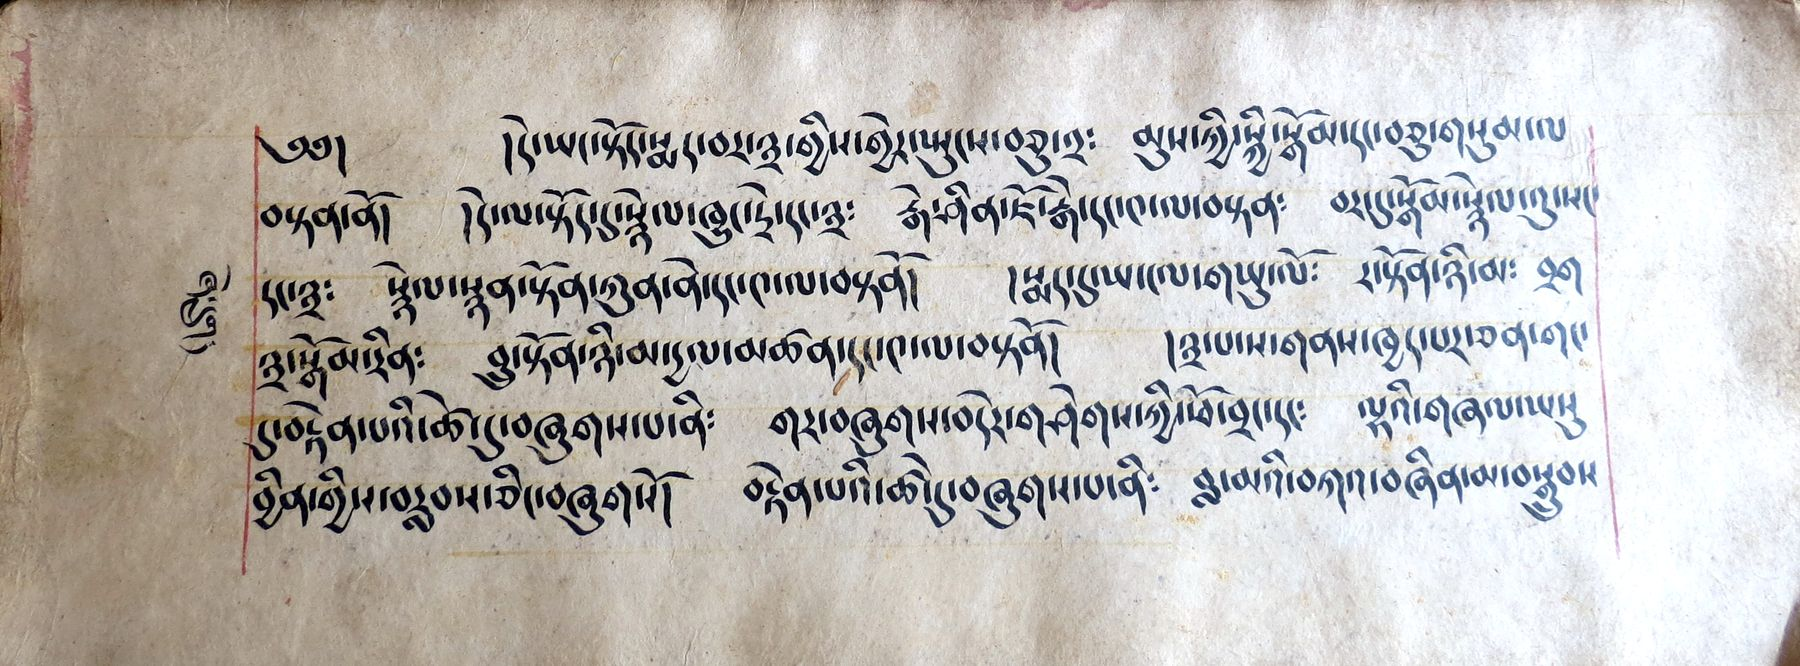དེ་ཡང་སྟོད་སྨད་བར་གསུམ་གྱིས་གྱེར་སྤུངས་བཅུ་གཉིས། མུས་ཀྱི་སྐྱི་སྒོམ་དང་བཅུ་གསུམ་ལ་
བསྟན་ནོ། དེ་ལ་སྟོད་དུ་སྙེལ་ཁྱུང་ཏྲེ་དང་གསུམ། རྒེ་ཤིན་ཇོ་རྒེ་དང་བཞི་ལ་བསྟན། བར་དུ་སྒོམ་སྙེལ་འུ་སང་
དང་གསུམ། སྙེལ་སྙན་སྟོན་ཀུན་ནེ་དང་བཞི་ལ་བསྟན་ནོ། སྨད་དུ་ཡ་ངལ་གཡུ་ལོ། ར་སྟོན་ཉི་མ། བྲག་
གསུམ་སྒོམ་རིན། བྲུ་སྟོན་ཉི་མ་རྒྱལ་མཚན་དང་བཞི་ལ་བསྟན་ནོ། གསུམ་པ་ས་གནས་ཁྱད་པར་ཅན་གང་
དུ་བརྟེན་པའི་ཚེ་དུ་བཞུགས་པ་ནི། གར་བཞུགས་བདེར་གཤེགས་ཀྱི་ཕོ་བྲང་དང་། ལྷའི་གཞལ་ཡས་སུ་
བྱིན་གྱིས་བརླབས་ཤིང་བཞུགས་སོ། བརྟེན་པའི་ཚེ་དུ་བཞུགས་པ་ནི། བླ་མའི་བཀའ་བཞིན་མ་བསྒྲུབས་